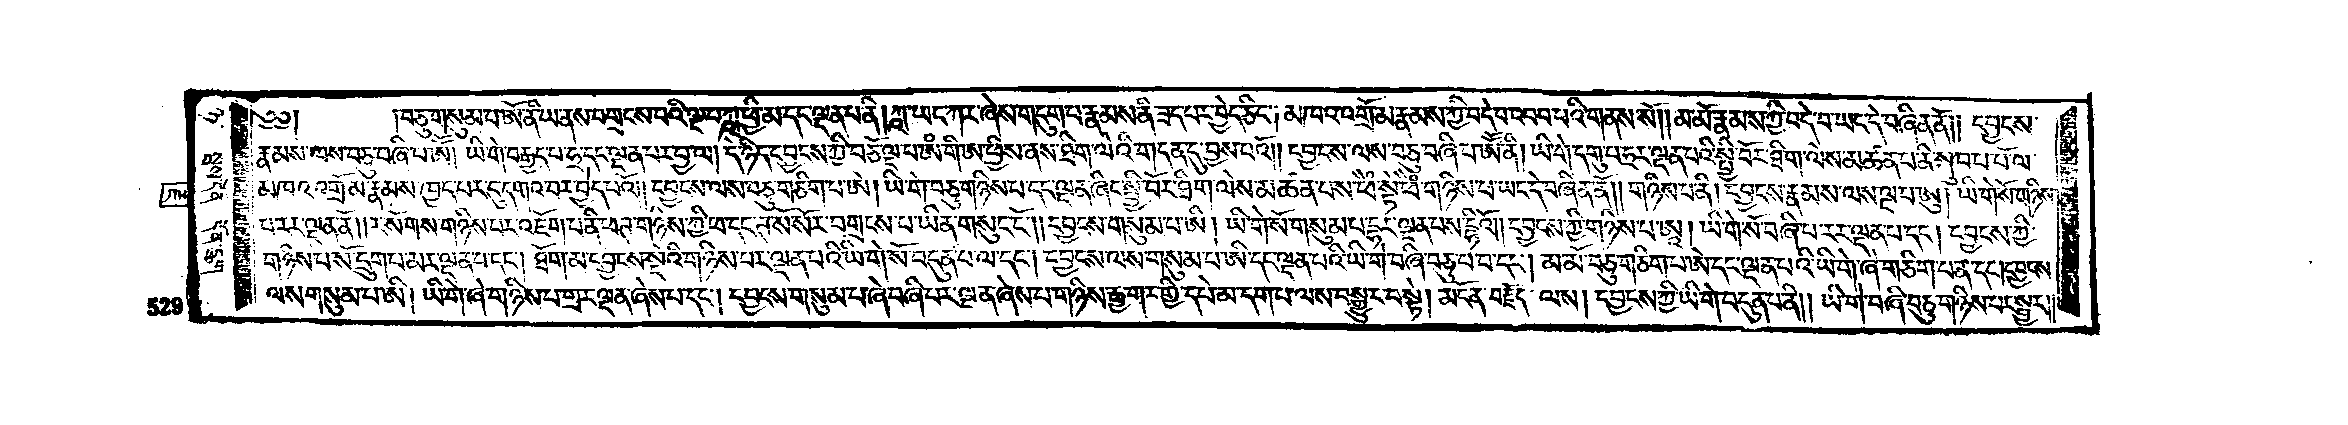༄༅། །བཅུ་གསུམ་པ་ཨོ་ནི་ཡ་ནས་བགྲངས་པའི་ལྔ་པ་ཀྵ་ཕྱི་མ་དང་ལྡན་པ་ནི། ཀྵ་ཡང་ཀར་ཞེས་གདུག་པ་རྣམས་ནི་ཟད་པར་བྱེད་ཅིང་། མཁའ་འགྲོ་མ་རྣམས་ཀྱི་བདེ་བ་འབབ་པའི་གནས་སོ། །མ་མོ་རྣམས་ཀྱི་བདེ་བ་ཡང་དེ་བཞིན་ནོ། །དབྱངས་
རྣམས་ལས་བཅུ་བཞི་པ་ཨཽ། ཡི་གེ་བརྒྱད་པ་ཧྲ་དང་ལྡན་པར་བྱ་ལ། དེ་ཉིད་དབྱངས་ཀྱི་བཅོ་ལྔ་པ་ཨཾ་གི་ཨ་ཕྱིས་ནས་ཐིག་ལེའི་གདན་དུ་བྱས་པའོ། །དབྱངས་ལས་བཅུ་བཞི་པ་ཨཽ་ནི། ཡི་གེ་དགུ་པ་ཧྲར་ལྡན་པའི་སྤྱི་བོར་ཐིག་ལེས་མཚན་པ་ནི་སྒྲུབ་པ་པོ་ལ་
མཁའ་འགྲོ་མ་རྣམས་ཁྱད་པར་དུ་དགའ་བར་བྱེད་པའོ། །དབྱངས་ལས་བཅུ་གཅིག་པ་ཨེ། ཡི་གེ་བཅུ་གཉིས་པ་དང་ལྡན་ཞིང་སྤྱི་བོར་ཐིག་ལེས་མཚན་པས་ཕཻཾ་སྟེ་ཕཻཾ་གཉིས་པ་ཡང་དེ་བཞིན་ནོ། །གཉིས་པ་ནི། དབྱངས་རྣམས་ལས་ལྔ་པ་ཨུ། ཡི་གེ་སོ་གཉིས་
པ་རར་ལྡན་ནོ། །ར་སོགས་གཉིས་པར་འཇོག་པ་ནི་ཕཊ་གཉིས་ཀྱི་ཕ་དང་ཊ་སོ་སོར་བགྲངས་པ་ཡིན་གསུང་ངོ། །དབྱངས་གསུམ་པ་ཨི། ཡི་གེ་སོ་གསུམ་པ་དྷར་ལྡན་པས་དྷིའོ། །དབྱངས་ཀྱི་གཉིས་པ་ཨཱ། ཡི་གེ་སོ་བཞི་པ་རར་ལྡན་པ་དང་། དབྱངས་ཀྱི་
གཉིས་པ་སོ་དྲུག་པ་མར་ལྡན་པ་དང་། ཐོག་མ་དབྱངས་སྡེའི་གཉིས་པར་ལྡན་པའི་ཡི་གེ་སོ་བདུན་པ་ལ་དང་། དབྱངས་ལས་གསུམ་པ་ཨི་དང་ལྡན་པའི་ཡི་གེ་བཞི་བཅུབ་བ་དང་། མ་མོ་བཅུ་གཅིག་པ་ཨེ་དང་ལྡན་པའི་ཡི་གེ་ཞེ་གཅིག་པ་ན་དང་། དབྱངས་
ལས་གསུམ་པ་ཨི། ཡི་གེ་ཞེ་གཉིས་པ་གྲར་ལྡན་ཞེས་པ་དང་། དབྱངས་གསུམ་པ་ཞེ་བཞི་པར་ལྡན་ཞེས་པ་གཉིས་རྒྱ་གར་གྱི་དཔེ་མ་དག་པ་ལས་བསྒྱུར་བ་སྟེ། མངོན་བརྗོད་ལས། དབྱངས་ཀྱི་ཡི་གེ་བདུན་པ་ནི། ཡི་གེ་བཞི་བཅུ་གཉིས་པར་སྦྱར། །